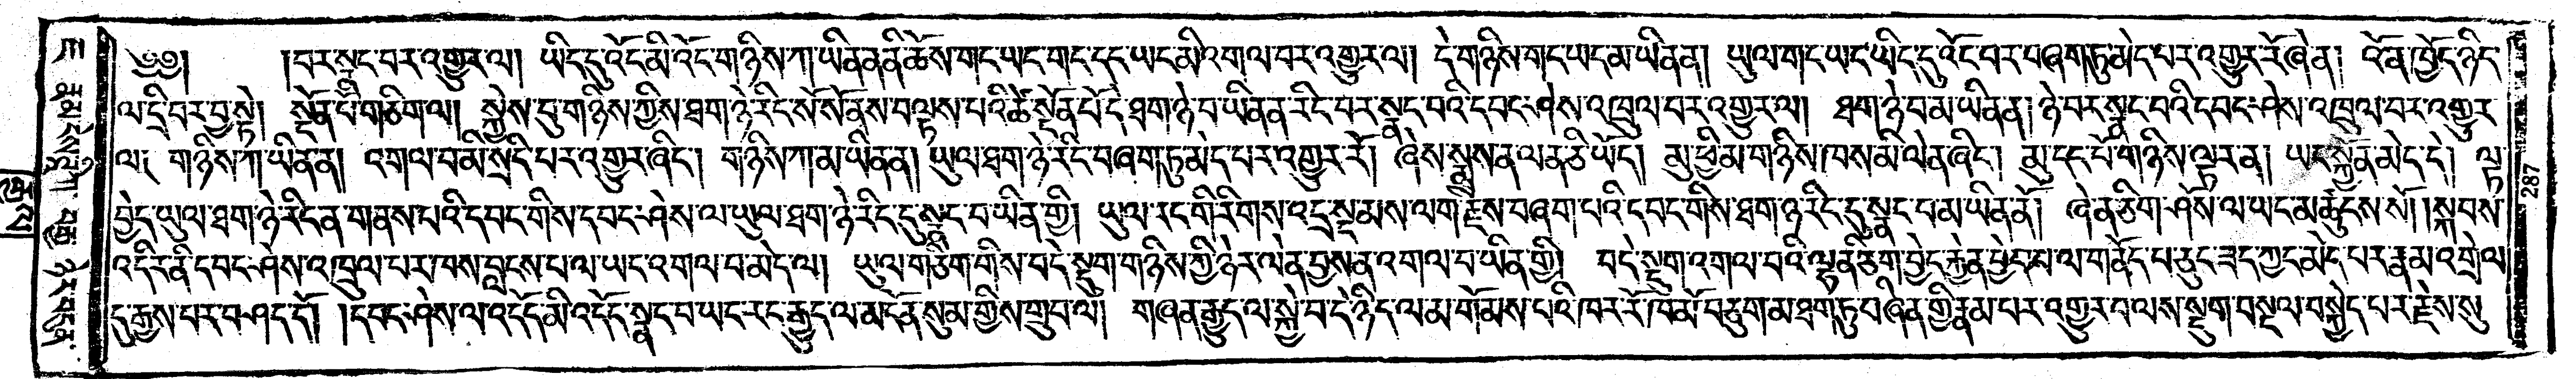༄༅། །བར་སྣང་བར་འགྱུར་ལ། ཡིད་དུ་འོང་མི་འོང་གཉིས་ཀ་ཡིན་ན་ནི་ཆོས་གང་ཡང་གང་དང་ཡང་མི་འགལ་བར་འགྱུར་ལ། དེ་གཉིས་གང་ཡང་མ་ཡིན་ན། ཡུལ་གང་ཡང་ཡིད་དུ་འོང་བར་བཞག་ཏུ་མེད་པར་འགྱུར་རོ་ཞེ་ན། འོ་ན་ཁྱོད་ཉིད་
ལ་དྲི་བར་བྱ་སྟེ། སྔོན་པོ་གཅིག་ལ། སྐྱེས་བུ་གཉིས་ཀྱིས་ཐག་ཉེ་རིང་སོ་སོ་ནས་བལྟས་པའི་ཚེ་སྔོན་པོ་དེ་ཐག་ཉེ་བ་ཡིན་ན་རིང་བར་སྣང་བའི་དབང་ཤེས་འཁྲུལ་བར་འགྱུར་ལ། ཐག་ཉེ་བ་མ་ཡིན་ན། ཉེ་བར་སྣང་བའི་དབང་ཤེས་འཁྲུལ་བར་འགྱུར་
ལ། གཉིས་ཀ་ཡིན་ན། འགལ་བ་མི་སྲིད་པར་འགྱུར་ཞིང་། གཉིས་ཀ་མ་ཡིན་ན། ཡུལ་ཐག་ཉེ་རིང་བཞག་ཏུ་མེད་པར་འགྱུར་རོ། ཞེས་སྨྲས་ན་ལན་ཅི་ཡོད། མུ་ཕྱི་མ་གཉིས་ཁས་མི་ལེན་ཞིང་། མུ་དང་པོ་གཉིས་ལྟར་ན། ཡང་སྐྱོན་མེད་དེ། ལྟ་
བྱེད་ཡུལ་ཐག་ཉེ་རིང་ན་གནས་པའི་དབང་གིས་དབང་ཤེས་ལ་ཡུལ་ཐག་ཉེ་རིང་དུ་སྣང་བ་ཡིན་གྱི། ཡུལ་རང་གི་རིགས་འདྲ་སྔ་མས་ལག་རྗེས་བཞག་པའི་དབང་གིས་ཐག་ཉེ་རིང་དུ་སྣང་བ་མ་ཡིན་ནོ། ཞེ་ན་ཅིག་ཤོས་ལ་ཡང་མཚུངས་སོ། །སྐབས་
འདིར་ནི་དབང་ཤེས་འཁྲུལ་པར་ཁས་བླངས་པ་ལ་ཡང་འགལ་བ་མེད་ལ། ཡུལ་གཅིག་གིས་བདེ་སྡུག་གཉིས་ཀྱི་ཉེར་ལེན་བྱས་ན་འགལ་བ་ཡིན་གྱི། བདེ་སྡུག་འགལ་བའི་ལྷན་ཅིག་བྱེད་རྐྱེན་བྱེད་པ་ལ་གནོད་པ་ཅུང་ཟད་ཀྱང་མེད་པར་རྣམ་འགྲེལ་
དུ་རྒྱས་པར་བཤད་དོ། །དབང་ཤེས་ལ་འདོད་མི་འདོད་སྣང་བ་ཡང་རང་རྒྱུད་ལ་མངོན་སུམ་གྱིས་གྲུབ་ལ། གཞན་རྒྱུད་ལ་སྐྱེ་བ་དེ་ཉིད་ལམ་གོམས་པའི་ཁར་རོ་ཁ་མོ་བཅུག་མ་ཐག་ཏུ་བཞིན་གྱི་རྣམ་པར་འགྱུར་བ་ལས་སྡུག་བསྔལ་བསྐྱེད་པར་རྗེས་སུ་